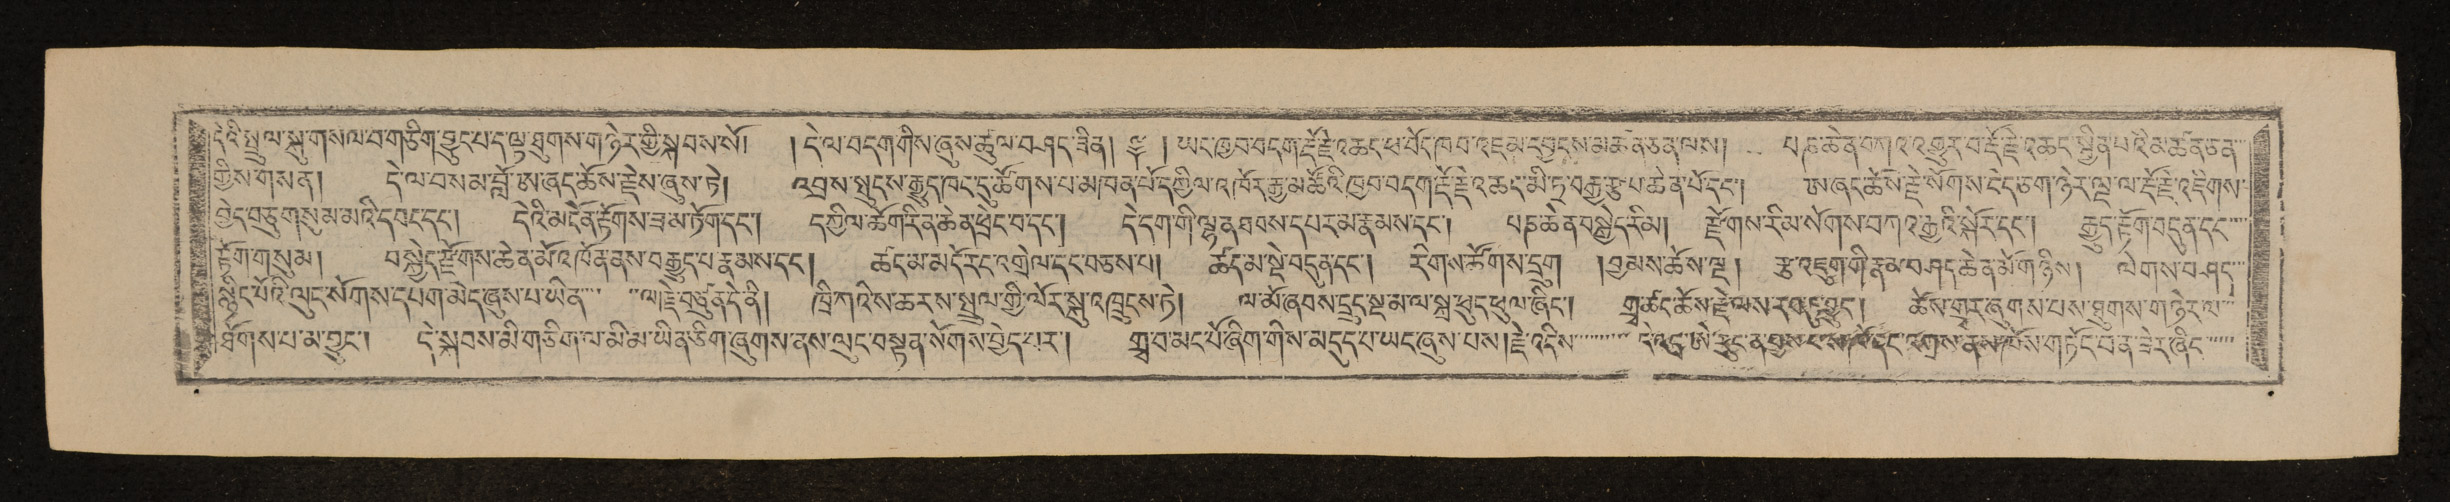དེའི་སྤྲུལ་སྐུ་གསལ་བ་གཅིག་བྱུང་པ་ད་ལྟ་ཐུགས་གཉེར་གྱི་སྐབས་སོ། །དེ་ལ་བདག་གིས་ཞུས་ཚུལ་བཤད་ཟིན། ༈ །ཡང་ཁྱབ་བདག་རྡོ་རྗེ་འཆང་ཕ་བོད་ཁ་བ་འཇམ་དབྱངས་མཚན་ཅན་ལས། པཎ་ཆེན་བཀའ་འགྱུར་བ་རྡོ་རྗེ་འཆང་སྦྱིན་པའི་མཚན་ཅན་
གྱིས་གསན། དེ་ལ་བསམ་བློ་ཨ་ཞང་ཆོས་རྗེས་ཞུས་ཏེ། འབྲས་སྤུངས་རྒྱུད་ཁང་དུ་ཚོགས་པ་མཁན་པོ་དཀྱིལ་འཁོར་རྒྱ་མཚོའི་ཁྱབ་བདག་རྡོ་རྗེ་འཆང་མི་ཏྲ་བརྒྱ་རྩ་པ་ཆེན་པོ་དང་། ཨ་ཞང་ཆོས་རྗེ་སོགས་ངེད་ཅག་ཉེར་ལྔ་ལ་རྡོ་རྗེ་འཇིགས་
བྱེད་བཅུ་གསུམ་མའི་དབང་དང་། དེའི་མངོན་རྟོགས་ཟ་མ་ཏོག་དང་། དཀྱིལ་ཆོག་རིན་ཆེན་ཕྲེང་བ་དང་། དེ་དག་གི་ལྷན་ཐབས་དཔར་མ་རྣམས་དང་། པཎ་ཆེན་བསྐྱེད་རིམ། རྫོགས་རིམ་སོགས་བཀའ་རྒྱའི་སྐོར་དང་། རྒྱུད་རྟོག་བདུན་དང་
རྟོག་གསུམ། བསྐྱེད་རྫོགས་ཆེན་མོ་འཁོན་ནས་བརྒྱུད་པ་རྣམས་དང་། ཚད་མ་མདོ་རང་འགྲེལ་དང་བཅས་པ། ཚད་མ་སྡེ་བདུན་དང་། རིགས་ཚོགས་དྲུག །བྱམས་ཆོས་ལྔ། རྩ་འཇུག་གི་རྣམ་བཤད་ཆེན་མོ་གཉིས། ལེགས་བཤད་
སྙིང་པོའི་ལུང་སོགས་དཔག་མེད་ཞུས་པ་ཡིན་ལ། རྗེ་བཙུན་དེ་ནི། ཁྲི་ཀའི་ས་ཆར་ས་སྤྲུལ་གྱི་ལོར་སྐུ་འཁྲུངས་ཏེ། ལ་མོ་ཞབས་དྲུང་སྔ་མ་ལ་སྐྲ་ཕུད་ཕུལ་ཞིང་། གྲྭ་ཚང་ཆོས་རྗེ་ལས་རབ་ཏུ་བྱུང་། ཆོས་གྲྭར་ཞུགས་པས་ཐུགས་གཉེར་ལ་
ཐོགས་པ་མ་བྱུང་། དེ་སྐབས་མི་གཅིག་ལ་མི་མ་ཡིན་ཅིག་ཞུགས་ནས་ལུང་བསྟན་སོགས་བྱེད་པར། གྲྭ་བ་མང་པོ་ཞིག་གིས་མདུད་པ་ཡང་ཞུས་པས། རྗེ་འདིས་དེ་འདྲ་ཨེ་རུང་ན་བྱས་པས་ཁོ་དང་འགྲས་ནས་ཁོས་གཏོང་པ་ན་ཟེར་ཞིང་